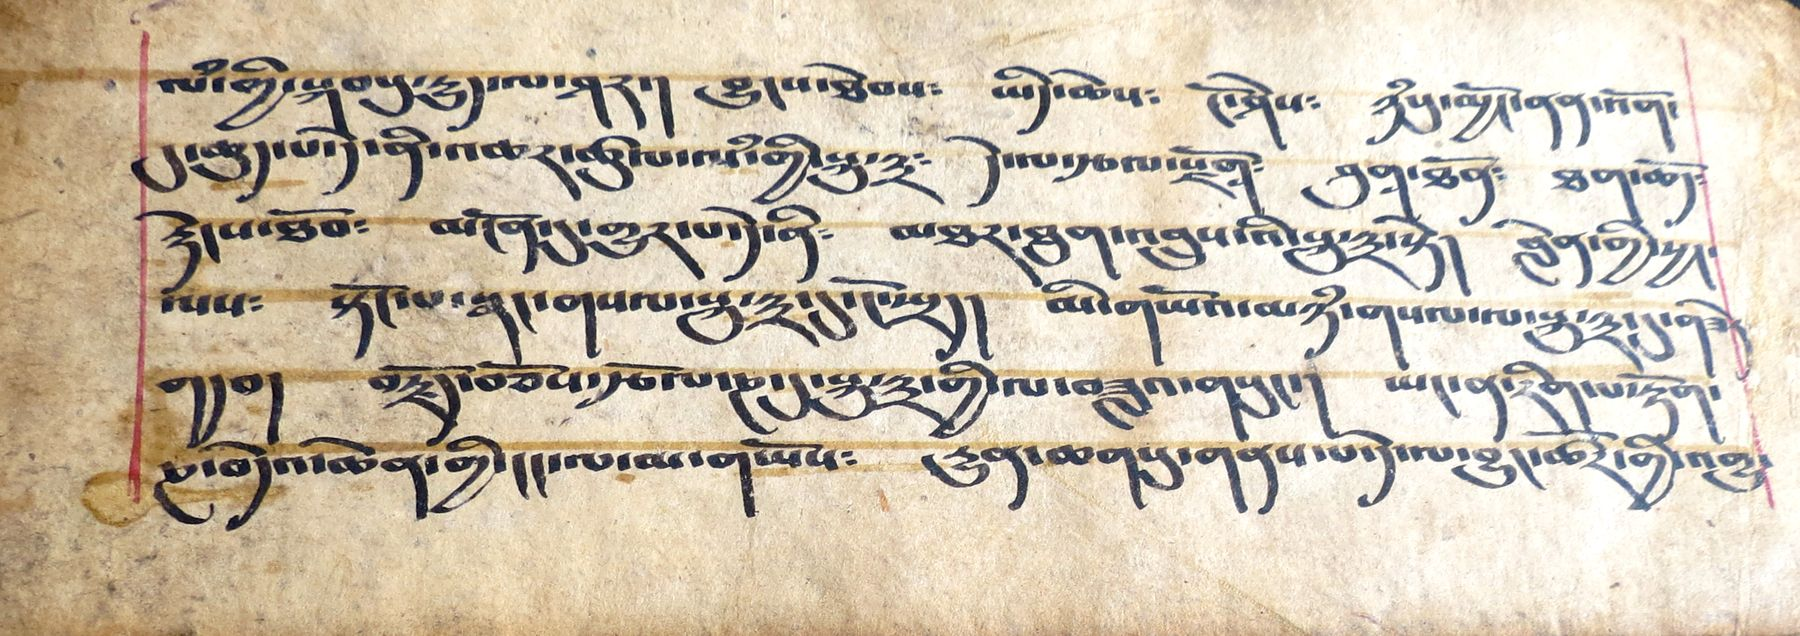ལམ་གྱི་སྐབས་སུ་རྒྱུད་ལ་ཤར། བྱུང་ཐེབས། ཡིད་ཆེས། ངོ་ཤེས། ཉམས་སུ་མྱོང་། འོག་
ཏུ་ཚུད་པ་དེ་འཆར་ཚུལ་༼ལམ༽གྱི་སྐུ་གསུམ། དེ་ལ་རྩལ་རྫོགས། ཤུགས་ཐོན། ཐག་ཆོད། 
རྡེང་ཐོབ། མངོན་དུ་གྱུར་པ་དེ་ནི་མཐར་ཐུག་འབྲས་བུའི་སྐུ་གསུམ་སྟེ། བླ་ཆེན་གྱི་གསུང་
ལས། སྟོང་པ་སྣང་གསལ་སྐུ་གསུམ་དུ་ངོ་སྤྲད། མི་གཡོ་མཉམ་གསལ་སྐུ་གསུམ་དུ་གཟེར་
གདབ། བརྗོད་བཅོས་རྩོལ་མེད་དུ་སྐུ་གསུམ་གྱི་ལ་བཟླ་གསུངས། ཡང་ན་རིག་པ་རྟོག་
མེད་བདེ་ཆེན་གྱི་ངང་ལ་མ་གཡོས་རྒྱུན་ཆགས་སུ་གནས་པ་དེ་ལ། བྱུང་ཚོར་གྱི་འགྱུ་བས་